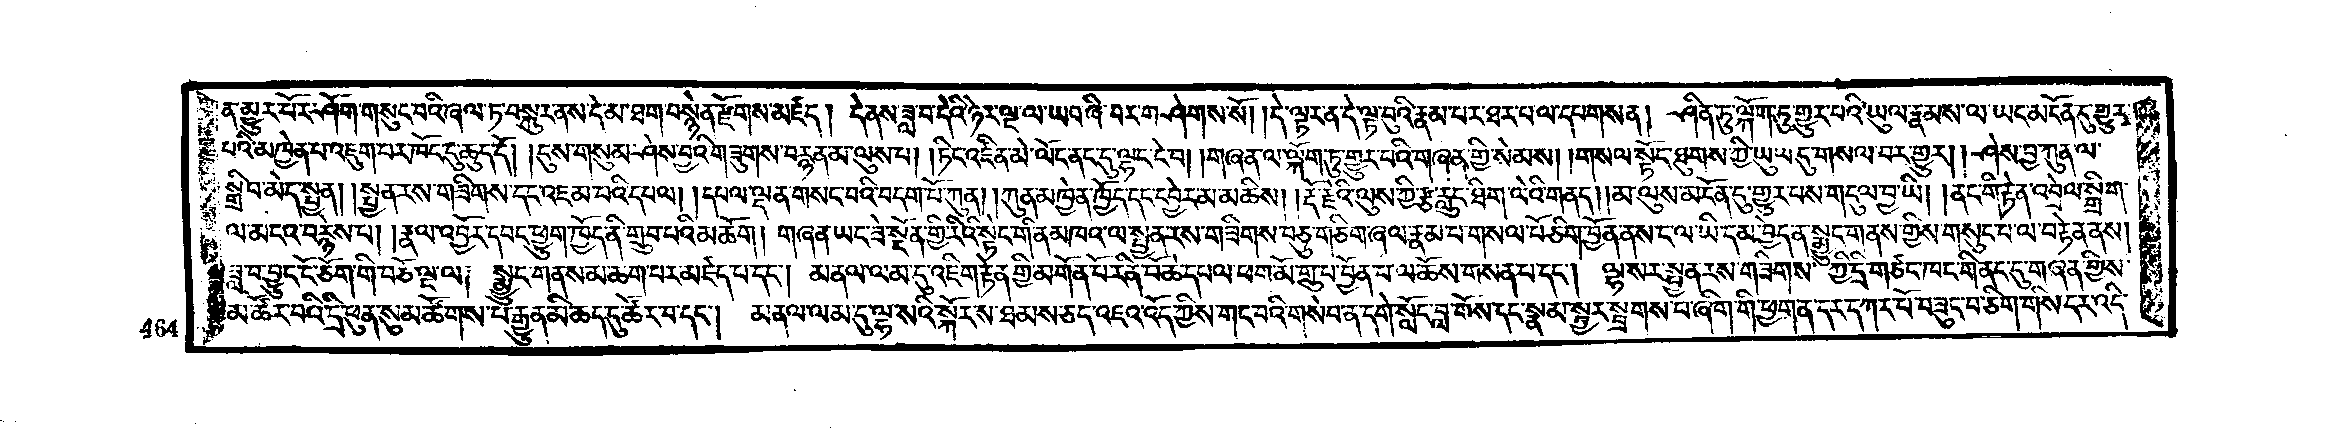ན་མྱུར་པོར་ཤོག་གསུང་བའི་ཞལ་ཏ་བསྐུར་ནས་དེ་མ་ཐག་བསྙེན་རྫོགས་མཛད། དེ་ནས་ཟླ་བ་དེའི་ཉེར་ལྔ་ལ་ཡབ་ཞི་བར་གཤེགས་སོ། །དེ་ལྟར་ན་དེ་ལྟ་བུའི་རྣམ་པར་ཐར་པ་ལ་དཔགས་ན། ཤིན་ཏུ་ལྐོག་ཏུ་གྱུར་པའི་ཡུལ་རྣམས་ལ་ཡང་མངོན་དུ་གྱུར་
པའི་མཁྱེན་པ་འཇུག་པར་ཁོང་དུ་ཆུད་དོ། །དུས་གསུམ་ཤེས་བྱའི་གཟུགས་བརྙན་མ་ལུས་པ། །ཏིང་འཛིན་མེ་ལོང་ནང་དུ་ལྷང་ངེ་བ། །གཞན་ལ་ལྐོག་ཏུ་གྱུར་པའི་གཞན་གྱི་སེམས། །གསལ་སྟོང་ཐུགས་ཀྱི་ཡུལ་དུ་གསལ་བར་གྱུར། །ཤེས་བྱ་ཀུན་ལ་
སྒྲིབ་མེད་སྤྱན། །སྤྱན་རས་གཟིགས་དང་འཇམ་པའི་དཔལ། །དཔལ་ལྡན་གསང་བའི་བདག་པོ་ཀུན། །ཀུན་མཁྱེན་ཁྱོད་དང་དབྱེར་མ་མཆིས། །རྡོ་རྗེའི་ལུས་ཀྱི་རྩ་རླུང་ཐིག་ལེའི་གནད། །མ་ལུས་མངོན་དུ་གྱུར་པས་གདུལ་བྱ་ཡི། །ནང་གི་རྟེན་འབྲེལ་སྒྲིག་
ལ་མངའ་བརྙེས་པ། །རྣལ་འབྱོར་དབང་ཕྱུག་ཁྱོད་ནི་གྲུབ་པའི་མཆོག། །གཞན་ཡང་ཟེ་སྔོན་གྱི་རིའི་སྟེང་གི་ནམ་མཁའ་ལ་སྤྱན་རས་གཟིགས་བཅུ་གཅིག་ཞལ་རྣམ་པ་གསལ་པེ་ཅིག་བྱོན་ནས་ང་ལ་ཡི་དམ་བྱེད་ན་སྨྱུང་གནས་ཀྱིས་གསུང་པ་ལ་བརྟེན་ནས།
ཟླ་བ་བྱུང་ངོ་ཅོག་གི་བཅོ་ལྔ་ལ། སྨྱུང་གནས་མ་ཆག་པར་མཛད་པ་དང་། མནལ་ལམ་དུ་འཇིག་རྟེན་གྱི་མགོན་པོ་རིན་པོ་ཆེ་དཔལ་ཕག་མོ་གྲུ་པ་བྱོན་པ་ལ་ཆོས་གསན་པ་དང་། ལྷ་སར་སྤྱན་རས་གཟིགས་ཀྱི་དྲི་གཙང་ཁང་གི་ནང་དུ་གཞན་གྱིས་
མ་ཚོར་བའི་དྲི་ཕུན་སུམ་ཚོགས་པ་རྒྱུན་མི་ཆད་དུ་ཚོར་བ་དང་། མནལ་ལམ་དུ་ལྷ་སའི་སྐོར་ས་ཐམས་ཅད་འཇའ་འོད་ཀྱིས་གང་བའི་གསེབ་ན་དགེ་སློང་བླ་གོས་དང་སྣམ་སྦྱར་སྦྲགས་པ་ཞིག་གི་ཕྱག་ན་དར་དཀར་པོ་བཟུང་བ་ཅིག་གིས་དེར་འདི་